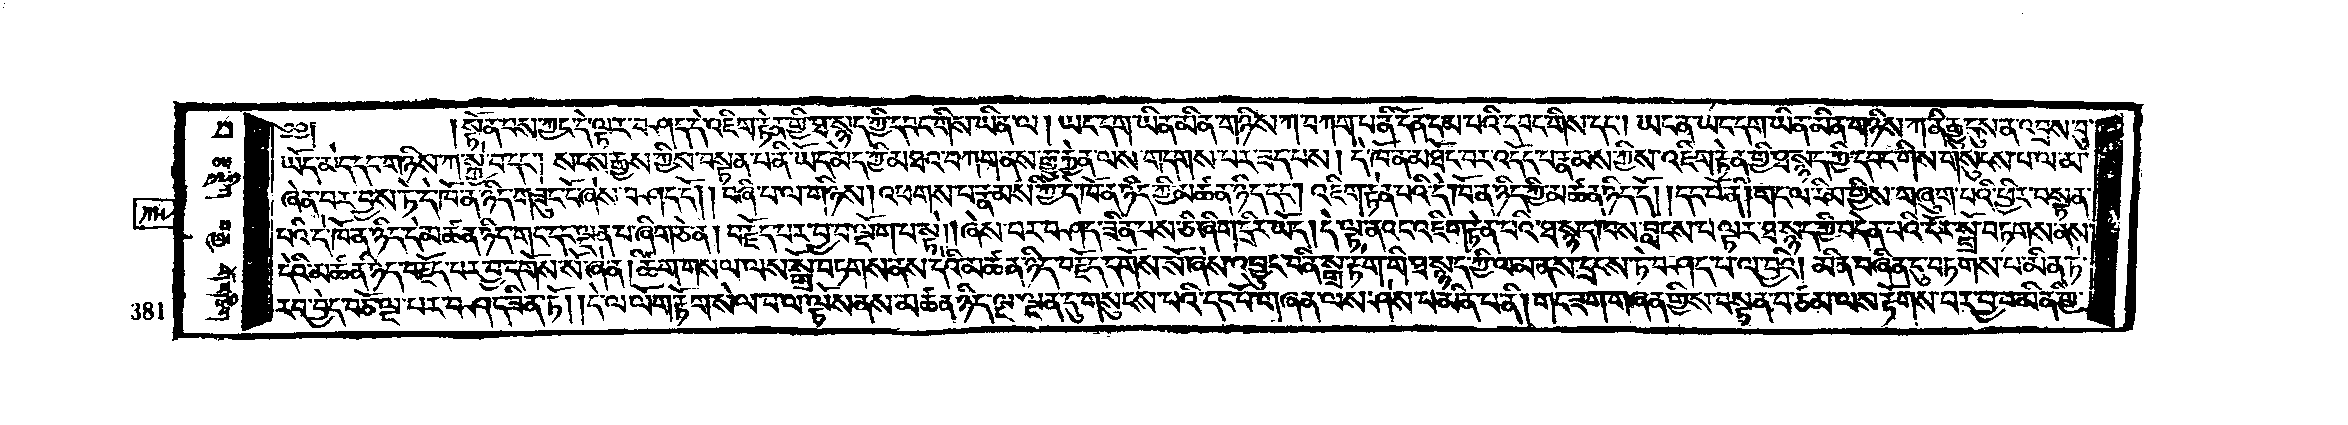༄༅། །སྟོན་པས་ཀྱང་དེ་ལྟར་བཤད་དེ་འཇིག་རྟེན་གྱི་ཐ་སྙད་ཀྱི་དབང་གིས་ཡིན་ལ། ཡང་དག་ཡིན་མིན་གཉིས་ཀ་བཀག་པ་ནི་དོན་དམ་པའི་དབང་གིས་དང་། ཡང་ན་ཡང་དག་ཡིན་མིན་གཉིས་ཀ་ནི་རྒྱུ་དུས་ན་འབྲས་བུ་
ཡོད་མེད་དང་གཉིས་ཀ་སྐྱེ་བ་དང་། སངས་རྒྱས་ཀྱིས་བསྟན་པ་ནི་ཡོད་མེད་ཀྱི་མཐའ་བཀག་ནས་རྒྱུ་རྐྱེན་ལས་གདགས་པར་ཟད་པས། དེ་ཁོ་ན་མཐོང་བར་འདོད་པ་རྣམས་ཀྱིས་འཇིག་རྟེན་གྱི་ཐ་སྙད་ཀྱི་དབང་གིས་གསུངས་པ་ལ་མ་
ཞེན་པར་བྱས་ཏེ་དེ་ཁོ་ན་ཉིད་གཟུང་ངོ་ཞེས་བཤད་དོ། །བཞི་པ་ལ་གཉིས། འཕགས་པ་རྣམས་ཀྱི་དེ་ཁོ་ན་ཉིད་ཀྱི་མཚན་ཉིད་དང་། འཇིག་རྟེན་པའི་དེ་ཁོ་ན་ཉིད་ཀྱི་མཚན་ཉིད་དོ། །དང་པོ་ནི། གང་ལ་རིམ་གྱིས་གཞུག་པའི་ཕྱིར་བསྟན་
པའི་དེ་ཁོ་ན་ཉིད་དེ་མཚན་ཉིད་གང་དང་ལྡན་པ་ཞིག་ཅེ་ན། བརྗོད་པར་བྱ་བ་ལྡོག་པ་སྟེ། །ཞེས་པར་བཤད་ཟིན་པས་ཅི་ཞིག་དྲིར་ཡོད། དེ་ལྟ་ནའང་འཇིག་རྟེན་པའི་ཐ་སྙད་ཁས་བླངས་པ་ལྟར་ཐ་སྙད་ཀྱི་བདེན་པའི་དེར་སྒྲོ་བཏགས་ནས་
དེའི་མཚན་ཉིད་བརྗོད་པར་བྱ་དགོས་སོ་ཞེ་ན། ཚིག་གསལ་ལས་སྒྲོ་བཏགས་ནས་དེའི་མཚན་ཉིད་བརྗོད་དགོས་སོ་ཞེས་འབྱུང་བ་ནི་སྒྲ་རྟག་གི་ཐ་སྙད་ཀྱི་ལམ་ནས་དྲངས་ཏེ་བཤད་པ་ལ་བྱའི། མིན་བཞིན་དུ་བཏགས་པ་མིན་ཏེ་
རབ་བྱེད་བཅོ་ལྔ་པར་བཤད་ཟིན་ཏོ། །དེ་ལ་ལོག་རྟོག་སེལ་བ་ལ་ལྟོས་ནས་མཚན་ཉིད་ལྔ་ལྡན་དུ་གསུངས་པའི་དང་པོ་གཞན་ལས་ཤེས་པ་མིན་པ་ནི། གང་ཟག་གཞན་གྱིས་བསྟན་པ་ཙམ་ལས་རྟོགས་པར་བྱ་བ་མིན་གྱི་